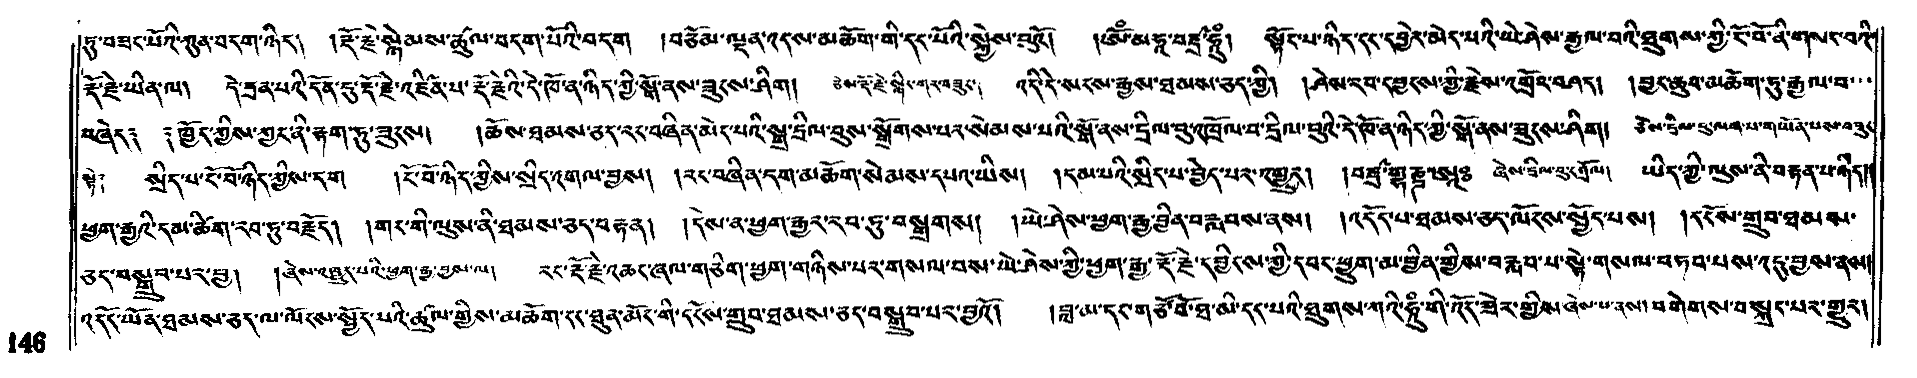ཏུ་བཟང་པོའི་ཀུན་བདག་ཉིད། །རྡོ་རྗེ་སྙེམས་ཚུལ་བདག་པོའི་བདག །བཅོམ་ལྡན་འདས་མཆོག་གི་དང་པོའི་སྐྱེས་བུའོ། །ཨོཾ་མ་ཧཱ་བཛྲ་ཧཱུཾ། སྟོང་པ་ཉིད་དང་དབྱེར་མེད་པའི་ཡེ་ཤེས་རྒྱལ་བའི་ཐུགས་ཀྱི་ངོ་བོ་ནི་གསང་བའི་
རྡོ་རྗེ་ཡིན་ལ། དེ་དྲན་པའི་དོན་དུ་རྡོ་རྗེ་འཛིན་པ་རྡོ་རྗེའི་དེ་ཁོ་ན་ཉིད་ཀྱི་སྒོ་ནས་ཟུངས་ཤིག། ཅེས་རྡོ་རྗེ་སྙིང་གར་བཟུང་།  འདི་དེ་སངས་རྒྱས་ཐམས་ཅད་ཀྱི། །ཤེས་རབ་དབྱངས་ཀྱི་རྗེས་འགྲོར་བཤད། །བྱང་ཆུབ་མཆོག་ཏུ་རྒྱལ་བ་
བཞེད༑ ༑ཁྱོད་ཀྱིས་ཀྱང་ནི་རྟག་ཏུ་ཟུངས། །ཆོས་ཐམས་ཅད་རང་བཞིན་མེད་པའི་སྒྲ་དྲིལ་བུས་སྒྲོགས་པར་སེམས་པའི་སྒོ་ནས་དྲིལ་བུ་འཁྲོལ་བ་དྲིལ་བུའི་དེ་ཁོ་ན་ཉིད་ཀྱི་སྒོ་ནས་ཟུངས་ཤིག། ཅེས་དྲིལ་བུ་ལག་པ་གཡོན་པས་བཟུང་
སྟེ༑ སྲིད་པ་ངོ་བོ་ཉིད་ཀྱིས་དག །ངོ་བོ་ཉིད་ཀྱིས་སྲིད་འགལ་བྱས། །རང་བཞིན་དག་མཆོག་སེམས་དཔའ་ཡིས། །དམ་པའི་སྲིད་པ་བྱེད་པར་འགྱུར། །བཛྲ་གྷཎྜ་ཨཱཿ ཞེས་དྲིལ་བུ་དཀྲོལ།  ཡིད་ཀྱི་ལུས་ནི་བརྟན་པ་ཉིད།།
ཕྱག་རྒྱའི་དམ་ཚིག་རབ་ཏུ་བརྗོད། །གང་གི་ལུས་ནི་ཐམས་ཅད་བརྟན། །དེས་ན་ཕྱག་རྒྱར་རབ་ཏུ་བསྒྲགས། །ཡེ་ཤེས་ཕྱག་རྒྱ་བྱིན་བརླབས་ནས། །འདོད་པ་ཐམས་ཅད་ལོངས་སྤྱོད་པས། །དངོས་གྲུབ་ཐམས་
ཅད་བསྒྲུབ་པར་བྱ། །ཞེས་འཁྱུད་པའི་ཕྱག་རྒྱ་བྱས་ལ།  རང་རྡོ་རྗེ་འཆང་ཞལ་གཅིག་ཕྱག་གཉིས་པར་གསལ་བས་ཡེ་ཤེས་ཀྱི་ཕྱག་རྒྱ་རྡོ་རྗེ་དབྱིངས་ཀྱི་དབང་ཕྱུག་མ་བྱིན་གྱིས་བརླབ་པ་སྟེ་གསལ་བཏབ་པས་འདུ་བྱས་ནས།
འདོད་ཡོན་ཐམས་ཅད་ལ་ལོངས་སྤྱོད་པའི་ཚུལ་གྱིས་མཆོག་དང་ཐུན་མོང་གི་དངོས་གྲུབ་ཐམས་ཅད་བསྒྲུབ་པར་བྱའོ། །བླ་མ་དང་གཙོ་བོ་ཐ་མི་དད་པའི་ཐུགས་ཀའི་ཧཱུཾ་གི་འོད་ཟེར་གྱིས་ཞེས་པ་ནས།  བགེགས་བསྐྲད་པར་གྱུར།